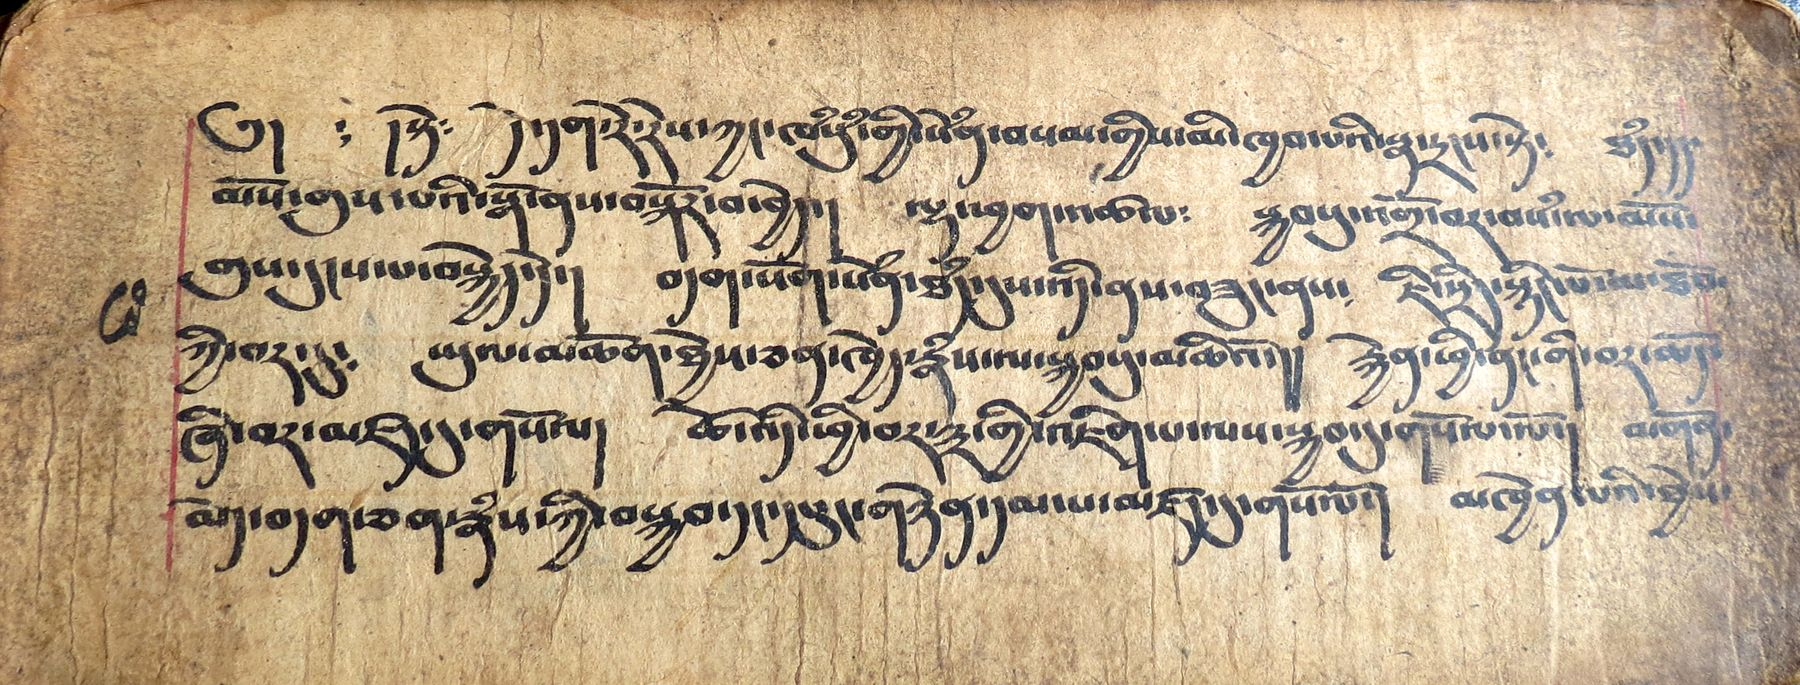ཏེ། དེ་དག་རེ་རེས་ཀྱང་ཁམས་གསུམ་གྱི་སེམས་ཅན་བསམ་གྱིས་མི་ཁྱབ་པའི་སྣ་དྲངས་ཏེ། ཐམས་ཅད་དད་
མོས་གུས་པའི་སྒོ་ནས་སྐོར་བ་བྱེད། ལྷ་ཕྱག་འཚལ། སྐྱབས་སུ་འགྲོ་བར་བསམ་ལ། མོས་
གུས་གདུང་པ་ཞིག་བསྐྱེད་དེ། བདག་སོགས་སེམས་ཅན་ཐམས་ཅད་དུས་འདི་ནས་བཟུང་ནས། ཇི་སྲིད་སྙིང་པོ་མ་ཐོབ་
ཀྱི་བར་དུ། ཡུལ་མཆོག་ཐུགས་རྗེ་ཅན་ཁྱེད་རྣམས་ལ་སྐྱབས་སུ་མཆིའོ། རྐྱེན་ཕྱི་ནང་གི་བར་ཆོད་
ཞི་བར་མཛད་དུ་གསོལ། ཚེ་འདི་ཕྱི་བར་དོ་གསུམ་གྱི་འཇིགས་པལས་སྐྱོབ་ཏུ་གསོལ་ལོ། མགོན་
མེད་བདག་ཅག་རྣམས་ཀྱི་སྐྱབས་དང་དཔུང་གཉེན་དམ་པར་མཛད་དུ་གསོལ། མཁྱེན་པའི་ཐུགས་རྗེས་